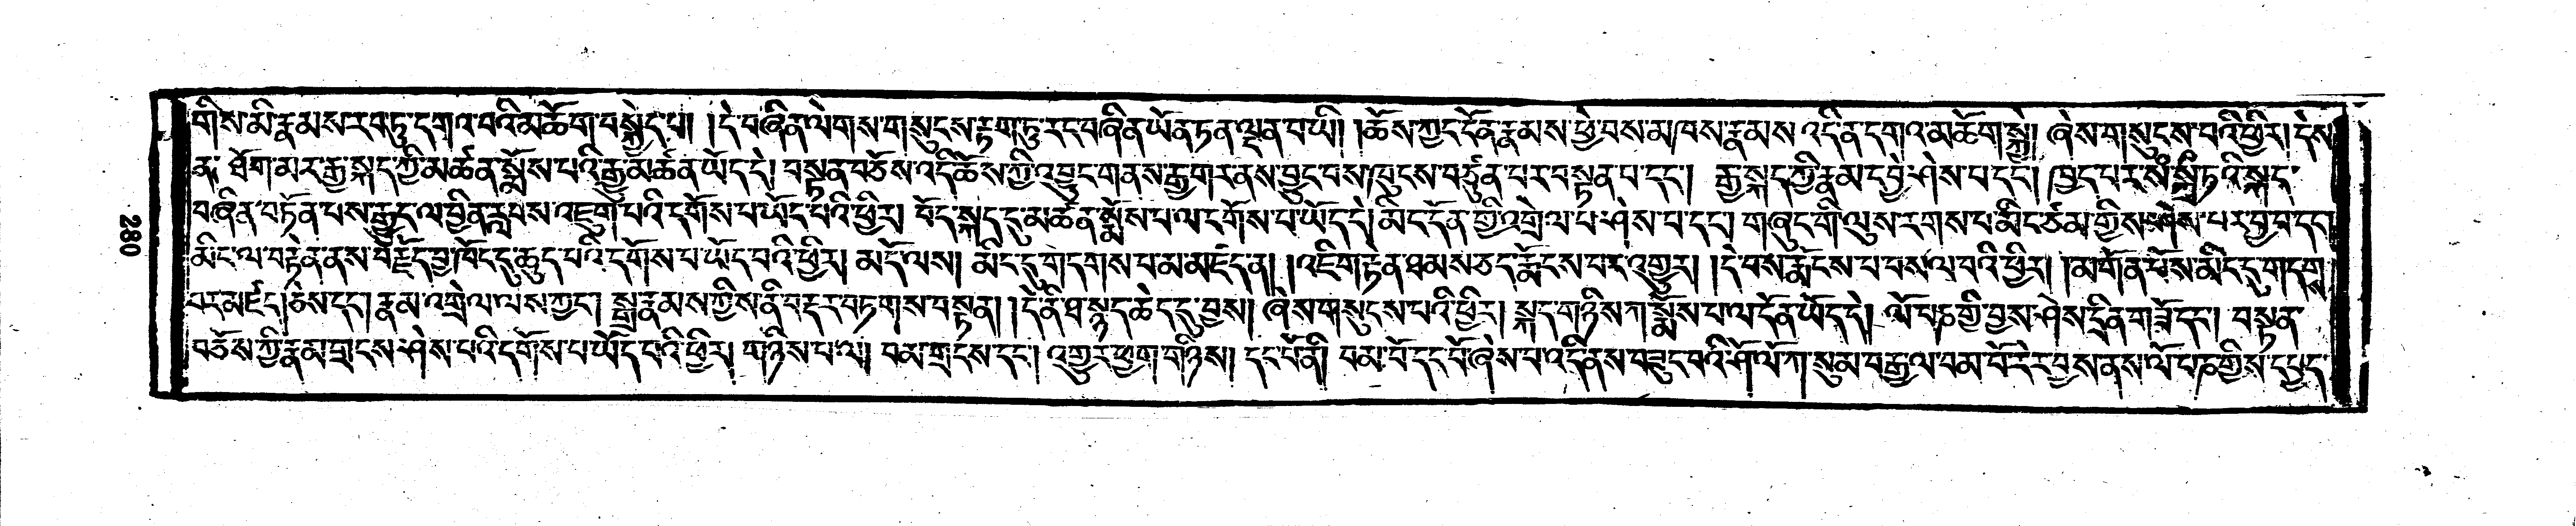གིས་མི་རྣམས་རབ་ཏུ་དགའ་བའི་མཆོག་བསྐྱེད་པ། །དེ་བཞིན་ལེགས་གསུངས་རྟག་ཏུ་རང་བཞིན་ཡོན་ཏན་ལྡན་པ་ཡི། །ཆོས་ཀྱང་དོན་རྣམས་ཕྱེ་བས་མཁས་རྣམས་འདི་ན་དགའ་མཆོག་སྐྱེ། ཞེས་གསུངས་པའི་ཕྱིར། དེས་
ན༑ ཐོག་མར་རྒྱ་སྐད་ཀྱི་མཚན་སྨོས་པའི་རྒྱུ་མཚན་ཡོད་དེ། བསྟན་བཅོས་འདི་ཆོས་ཀྱི་འབྱུང་གནས་རྒྱ་གར་ནས་བྱུང་བས་ཁུངས་བཙུན་པར་བསྟན་པ་དང་། རྒྱ་སྐད་ཀྱི་རྣམ་དབྱེ་ཤེས་པ་དང་། ཁྱད་པར་སཾ་སྐྲྀ་ཏའི་སྐད་
བཞིན་བཏོན་པས་རྒྱུད་ལ་བྱིན་རླབས་འཇུག་པའི་དགོས་པ་ཡོད་པའི་ཕྱིར། བོད་སྐད་དུ་མཚན་སྨོས་པ་ལ་དགོས་པ་ཡོད་དེ། མིང་དོན་གྱི་འགྲེལ་པ་ཤེས་པ་དང་། གཞུང་གི་ལུས་རགས་པ་མིང་ཙམ་གྱིས་ཤེས་པར་བྱ་བ་དང་།
མིང་ལ་བརྟེན་ནས་བརྗོད་བྱ་ཁོང་དུ་ཆུད་པའི་དགོས་པ་ཡོད་པའི་ཕྱིར། མདོ་ལས། མིང་དུ་གདགས་པ་མ་མཛད་ན། །འཇིག་རྟེན་ཐམས་ཅད་རྨོངས་པར་འགྱུར། །དེ་བས་རྨོངས་པ་བསལ་བའི་ཕྱིར། །མགོན་པོས་མིང་དུ་གདགས་
པར་མཛད། ཅེས་དང་། རྣམ་འགྲེལ་ལས་ཀྱང་། སྒྲ་རྣམས་ཀྱིས་ནི་བརྡར་བཏགས་བསྟན། །དེ་ནི་ཐ་སྙད་ཆེད་དུ་བྱས། ཞེས་གསུངས་པའི་ཕྱིར། སྐད་གཉིས་ཀ་སྨོས་པ་ལ་དོན་ཡོད་དེ། ལོ་པཎ་གྱི་བྱས་ཤེས་དྲིན་གཟོ་དང་། བསྟན་
བཅོས་ཀྱི་རྣམ་གྲངས་ཤེས་པའི་དགོས་པ་ཡོད་པའི་ཕྱིར། གཉིས་པ་ལ། བམ་གྲངས་དང་། འགྱུར་ཕྱག་གཉིས། དང་པོ་ནི། བམ་པོ་དང་པོ་ཞེས་པ་འདི་ནས་བཟུང་བའི་ཤོ་ལོ་ཀ་སུམ་བརྒྱ་ལ་བམ་པོ་རེར་བྱས་ནས་ལོ་པཎ་གྱིས་དཔྱད་